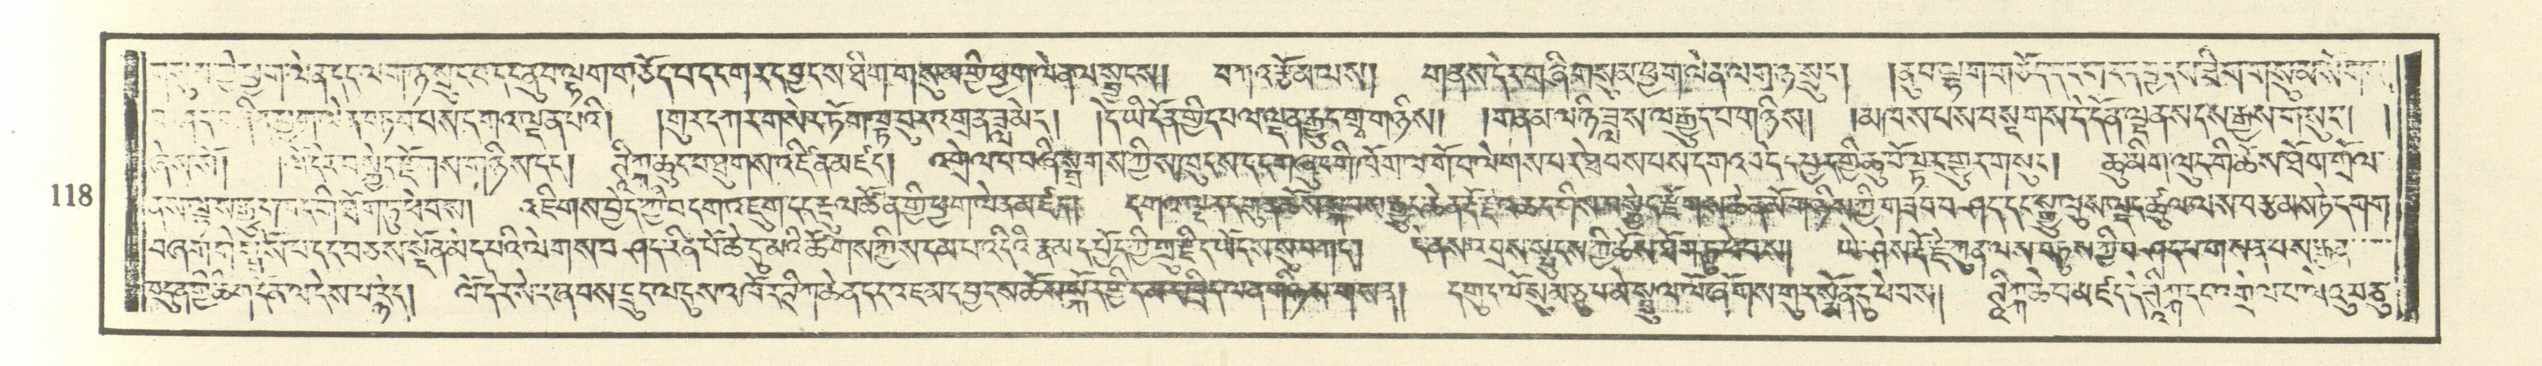གསུམ་གྱི་ཕྱག་ལེན་དང་ལག་ཉ་སྲུང་བ་དང་ནུབ་ལྷག་གཅོད་པ་དང་གར་དབྱངས་ཐིག་གསུམ་གྱི་ཕྱག་ལེན་ལ་སྦྱངས། བཀའ་རྩོམ་ལས། གནས་དེར་གཞི་གསུམ་ཕྱག་ལེན་ལག་ཉ་སྲུང་། །ནུབ་ལྷག་གཅོད་དང་དགར་དབྱངས་ཐིག་གསུམ་སོགས།
བཤད་བཞིན་ཕྱག་ལེན་བཏབ་པས་དགའ་ལྡན་པའི། །གུར་དཀར་གསེར་ཏོག་ལྟ་བུར་འགྲན་ཟླ་མེད། །དེ་ཡི་དོན་གྱི་དཔལ་ལྡན་རྒྱུད་གྲྭ་གཉིས། །གནམ་ལ་ཉི་ཟླ་ས་ལ་རྒྱུད་པ་གཉིས། །མཁས་པས་བསྔགས་དེ་དོན་ལྡན་སངས་རྒྱས་གསུང་། །
ཞེས་སོ། །ལོ་དེར་བསྐྱེད་རྫོགས་གཉིས་དང་། ཊཱིཀྐ་ཆུང་བ་ཐུགས་འཛིན་མཛད། འགྲེལ་པ་བཞི་སྦྲགས་ཀྱི་ས་ཁུངས་དང་གཞུང་གི་ཁོག་ལ་གོ་བ་ལེགས་པར་ཐེབས་པས་དགའ་བདེ་དབྱར་གྱི་ཆུ་བོ་ལྟར་གྱུར་གསུང་། ཆུ་མིག་ལུང་གི་ཆོས་ཐོག་གྲོལ་
ནས་ལྷ་ས་རྒྱུད་ཁང་གི་ཐོག་ཏུ་ཕེབས། འཇིགས་བྱེད་ཀྱི་བདག་འཇུག་དང་རྡུལ་ཚོན་གྱི་ཕྱག་ལེན་མཛད། དགའ་ལྡན་དགུན་ཆོས་སྐབས་རྒྱུད་ཆེན་རྡོ་རྗེ་འཆང་གིས་བསྐྱེད་རྫོགས་ཆེན་མོ་གཉིས་ཀྱི་གཟབ་བཤད་དང་སྒྱུ་ལུས་ལྡང་ཚུལ་ལས་བརྩམས་ཏེ་དགག་
བཞག་གི་སྤྲོས་པ་དང་བཅས་སྔོན་མེད་པའི་ལེགས་བཤད་རིན་པོ་ཆེ་དུ་མའི་ཚོགས་ཀྱིས་དམ་པ་འདིའི་རྣམ་དཔྱོད་ཀྱི་གྲུ་རྫིད་ཡོངས་སུ་བཀད། དེ་ནས་འབྲས་སྤུངས་ཀྱི་ཆོས་ཐོག་ཏུ་ཕེབས། ཡེ་ཤེས་རྡོ་རྗེ་ཀུན་ལས་བཏུས་ཀྱི་བཤད་པ་གསན་པས་རྒྱན་
བདུན་གྱི་ཚིག་དོན་ལ་དེས་པ་རྙེད། ལོ་དེར་སེར་ཞབས་དྲུང་ལ་དུས་འཁོར་ཊི་ཀ་ཆེན་དང་འཇམ་དབྱངས་ཆོས་སྐོར་གྱི་དམར་ཁྲིད་ལན་གཉིས་གསན། དགུང་ལོ་སུམ་ཅུ་པ་མེ་སྦྲུལ་ལོ་ཞོགས་གུར་སྨོན་དུ་ཕེབས། ཊཱིཀྐ་ཆེ་བ་མཛད་དེ་ཊཱིཀྐ་དང་འགྲེལ་པ་ལེའུ་བཅུ་